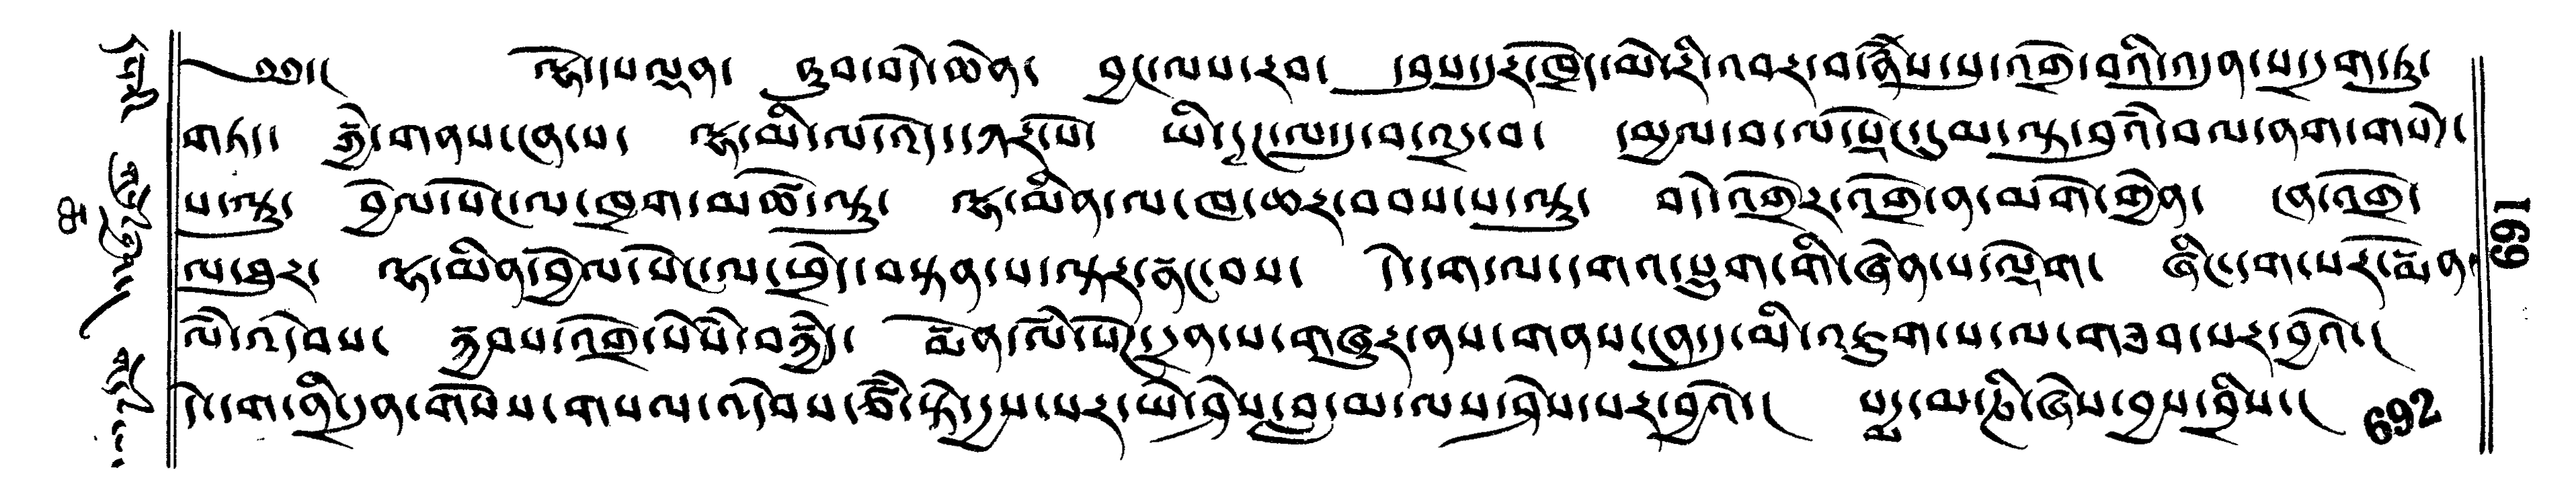ལྷོ་དཔལ་ལྡན། ནུབ་བདེ་ཆེན། བྱང་ལས་རབ། དབུས་དུར་ཁྲོད་མེ་རི་འབར་བ་རྣམས་སུ་འགྲོ་བའི་འདུན་པ་དྲག་ཏུ་
གཏད། སྐྱེ་གནས་ངན་པ། ལྷ་མི་ལ་འོད་དཀར་པོ། ཡི་དྭགས་ལ་དུ་བ་འདྲ་བ། དམྱལ་བ་ལ་སྡོང་དུམ་ལྟ་བུའམ་བལ་ནག་གསེད་
པ་ལྟ་བུ། བྱོལ་སོང་ལ་ཁྲག་མཚོ་ལྟ་བུ། ལྷ་མིན་ལ་ཁ་ཆར་བབས་པ་ལྟ་བུ། བདེ་འགྲོར་འགྲོ་ན་མགོ་གྱེན། ངན་འགྲོ་
ལ་ཐུར། ལྷ་མིན་བྱོལ་སོང་ལ་ཕྲེད་བསྟན་པ་ལྟར་སྣང་བས། དེ་དག་ལ་དགའ་སྡུག་གི་ཞེན་པ་ལྡོག ཞིང་དག་པར་སྨོན་
ལམ་འདེབས། སྐྱབས་འགྲོ་སེམས་བསྐྱེད། སྨོན་ལམ་སོགས་དྲན་པ་གཞུར་ནས་གནས་ངན་དུ་མི་འཇུག་པ་ལ་གཟབ་པར་བྱའོ། 
དེ་དག་ནི་དྲན་གསོས་གསལ་འདེབས་ཙམ་སྟེ་རྒྱས་པར་ཡེ་ཤེས་བླ་མ་ལས་ཤེས་པར་བྱའོ།། པདྨ་མ་ཎི་ཞེས་བྱས་བྲིས།།